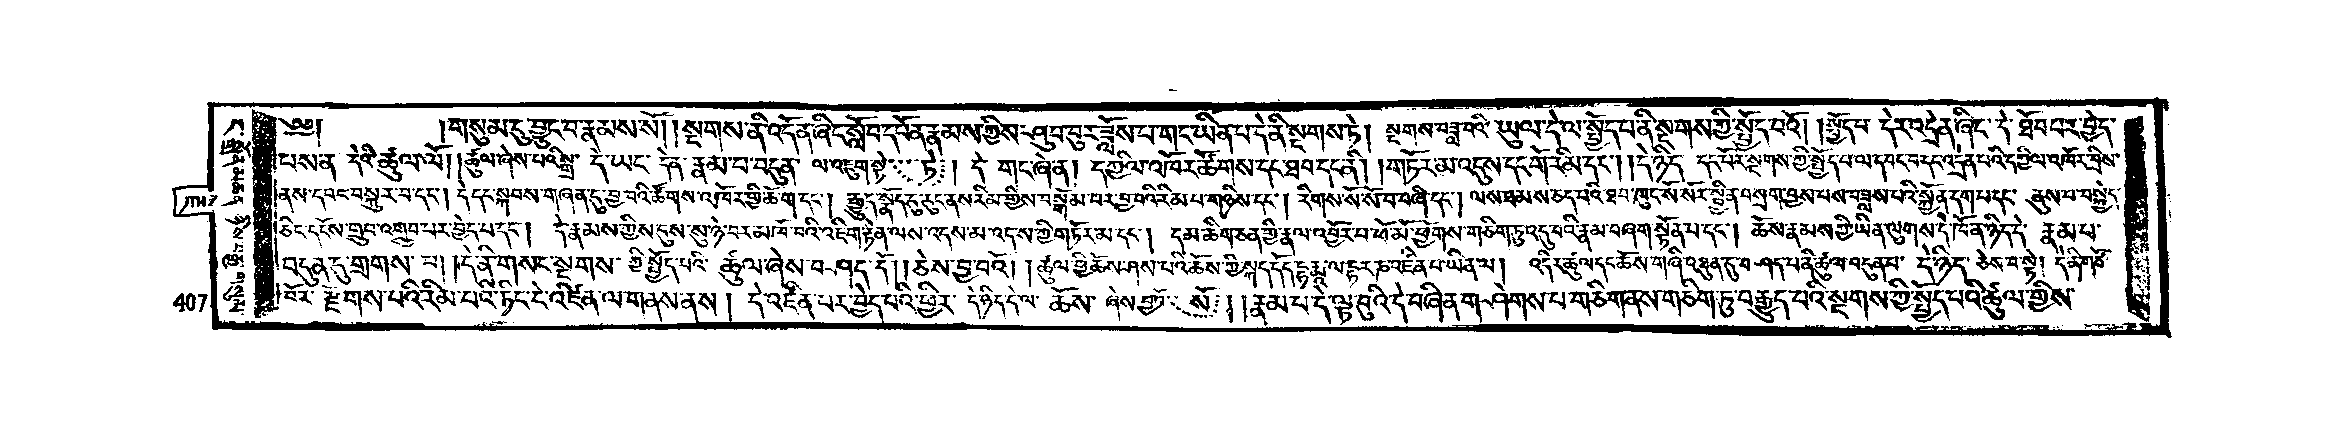༄༅། །གསུམ་དུ་བྱུང་བ་རྣམས་སོ། །སྔགས་ནི་འདོན་ཞིང་སློབ་དཔོན་རྣམས་ཀྱིས་ཤུབ་བུར་ཟློས་པ་གང་ཡིན་པ་དེ་ནི་སྔགས་ཏེ། སྔགས་བཟླ་བའི་ཡུལ་དེ་ལ་སྤྱོད་པ་ནི་སྔགས་ཀྱི་སྤྱོད་པའོ། །སྤྱོད་པ་དེར་འདྲེན་ཞིང་དེ་ཐོབ་པར་བྱེད་
པས་ན་དེའི་ཚུལ་ལོ། །ཚུལ་ཞེས་པའི་སྒྲ་དེ་ཡང་དོན་རྣམ་པ་བདུན་ལ་འཇུག་སྟེ། ཏེ། དེ་གང་ཞེ་ན། དཀྱིལ་འཁོར་ཚོགས་དང་ཐབ་དང་ནི། །གཏོར་མ་འདུས་དང་གོ་རིམ་དང་། །དེ་ཉིད་དང་པོར་སྔགས་ཀྱི་སྤྱོད་པ་ལ་དབང་བ་དང་འདྲེན་པའི་དཀྱིལ་འཁོར་བྲིས་
ནས་དབང་བསྐུར་བ་དང་། དེ་དང་སྐབས་གཞན་དུ་བྱ་བའི་ཚོགས་འཁོར་གྱི་ཆོ་ག་དང་། རྒྱུད་སྣོད་དུ་རུང་ནས་རིམ་གྱིས་བསྒོམ་པར་བྱ་བའི་རིམ་པ་གཉིས་དང་། རིགས་སོ་སོ་བ་བཞི་དང་། ལས་ཐམས་ཅད་པའི་ཐབ་ཁུང་སོ་སོར་སྦྱིན་བསྲེག་བྱས་པས་བཟླས་པའི་སྐྱོན་དག་པ་དང་། ནུས་པ་བསྐྱེད་
ཅིང་དངོས་གྲུབ་འགྲུབ་པར་བྱེད་པ་དང་། དེ་རྣམས་ཀྱིས་དུས་སུ་ཉེ་བར་མཁོ་བའི་འཇིག་རྟེན་ལས་འདས་མ་འདས་ཀྱི་གཏོར་མ་དང་། དམ་ཚིག་ཅན་གྱི་རྣལ་འབྱོར་བ་ཕོ་མོ་ཕྱོགས་གཅིག་ཏུ་འདུ་བའི་རྣམ་བཞག་སྟོན་པ་དང་། ཆོས་རྣམས་ཀྱི་ཡིན་ལུགས་དེ་ཁོ་ན་ཉིད་དེ་རྣམ་པ་
བདུན་དུ་གྲགས་པ། །དེ་ནི་གསང་སྔགས་ཀྱི་སྤྱོད་པའི་ཚུལ་ཞེས་བཤད་དོ། །ཅེས་བྱ་བའོ། ། ཚུལ་གྱི་ཆོས་ཞེས་པའི་ཆོས་ཀྱི་སྐད་དོད་དྷརྨཱ་ལ་དྷ་ར་ཎ་འཛིན་པ་ཡིན་ལ། འདིར་ཚུལ་དང་ཆོས་གཞི་འཐུན་དུ་བཤད་པ་ནི་ཚུལ་བདུན་པ་དེ་ཉིད་ཅེས་པ་སྟེ། དེ་ནི་གཙོ་
བོར་རྫོགས་པའི་རིམ་པའི་ཏིང་ངེ་འཛིན་ལ་གནས་ནས། དེ་འཛིན་པར་བྱེད་པའི་ཕྱིར་དེ་ཉིད་དེ་ལ་ཆོས་ཞེས་བྱའོ་སོ། །རྣམ་པ་དེ་ལྟ་བུའི་དེ་བཞིན་གཤེགས་པ་གཅིག་ནས་གཅིག་ཏུ་བརྒྱུད་པའི་སྔགས་ཀྱི་སྤྱོད་པའི་ཚུལ་གྱིས་